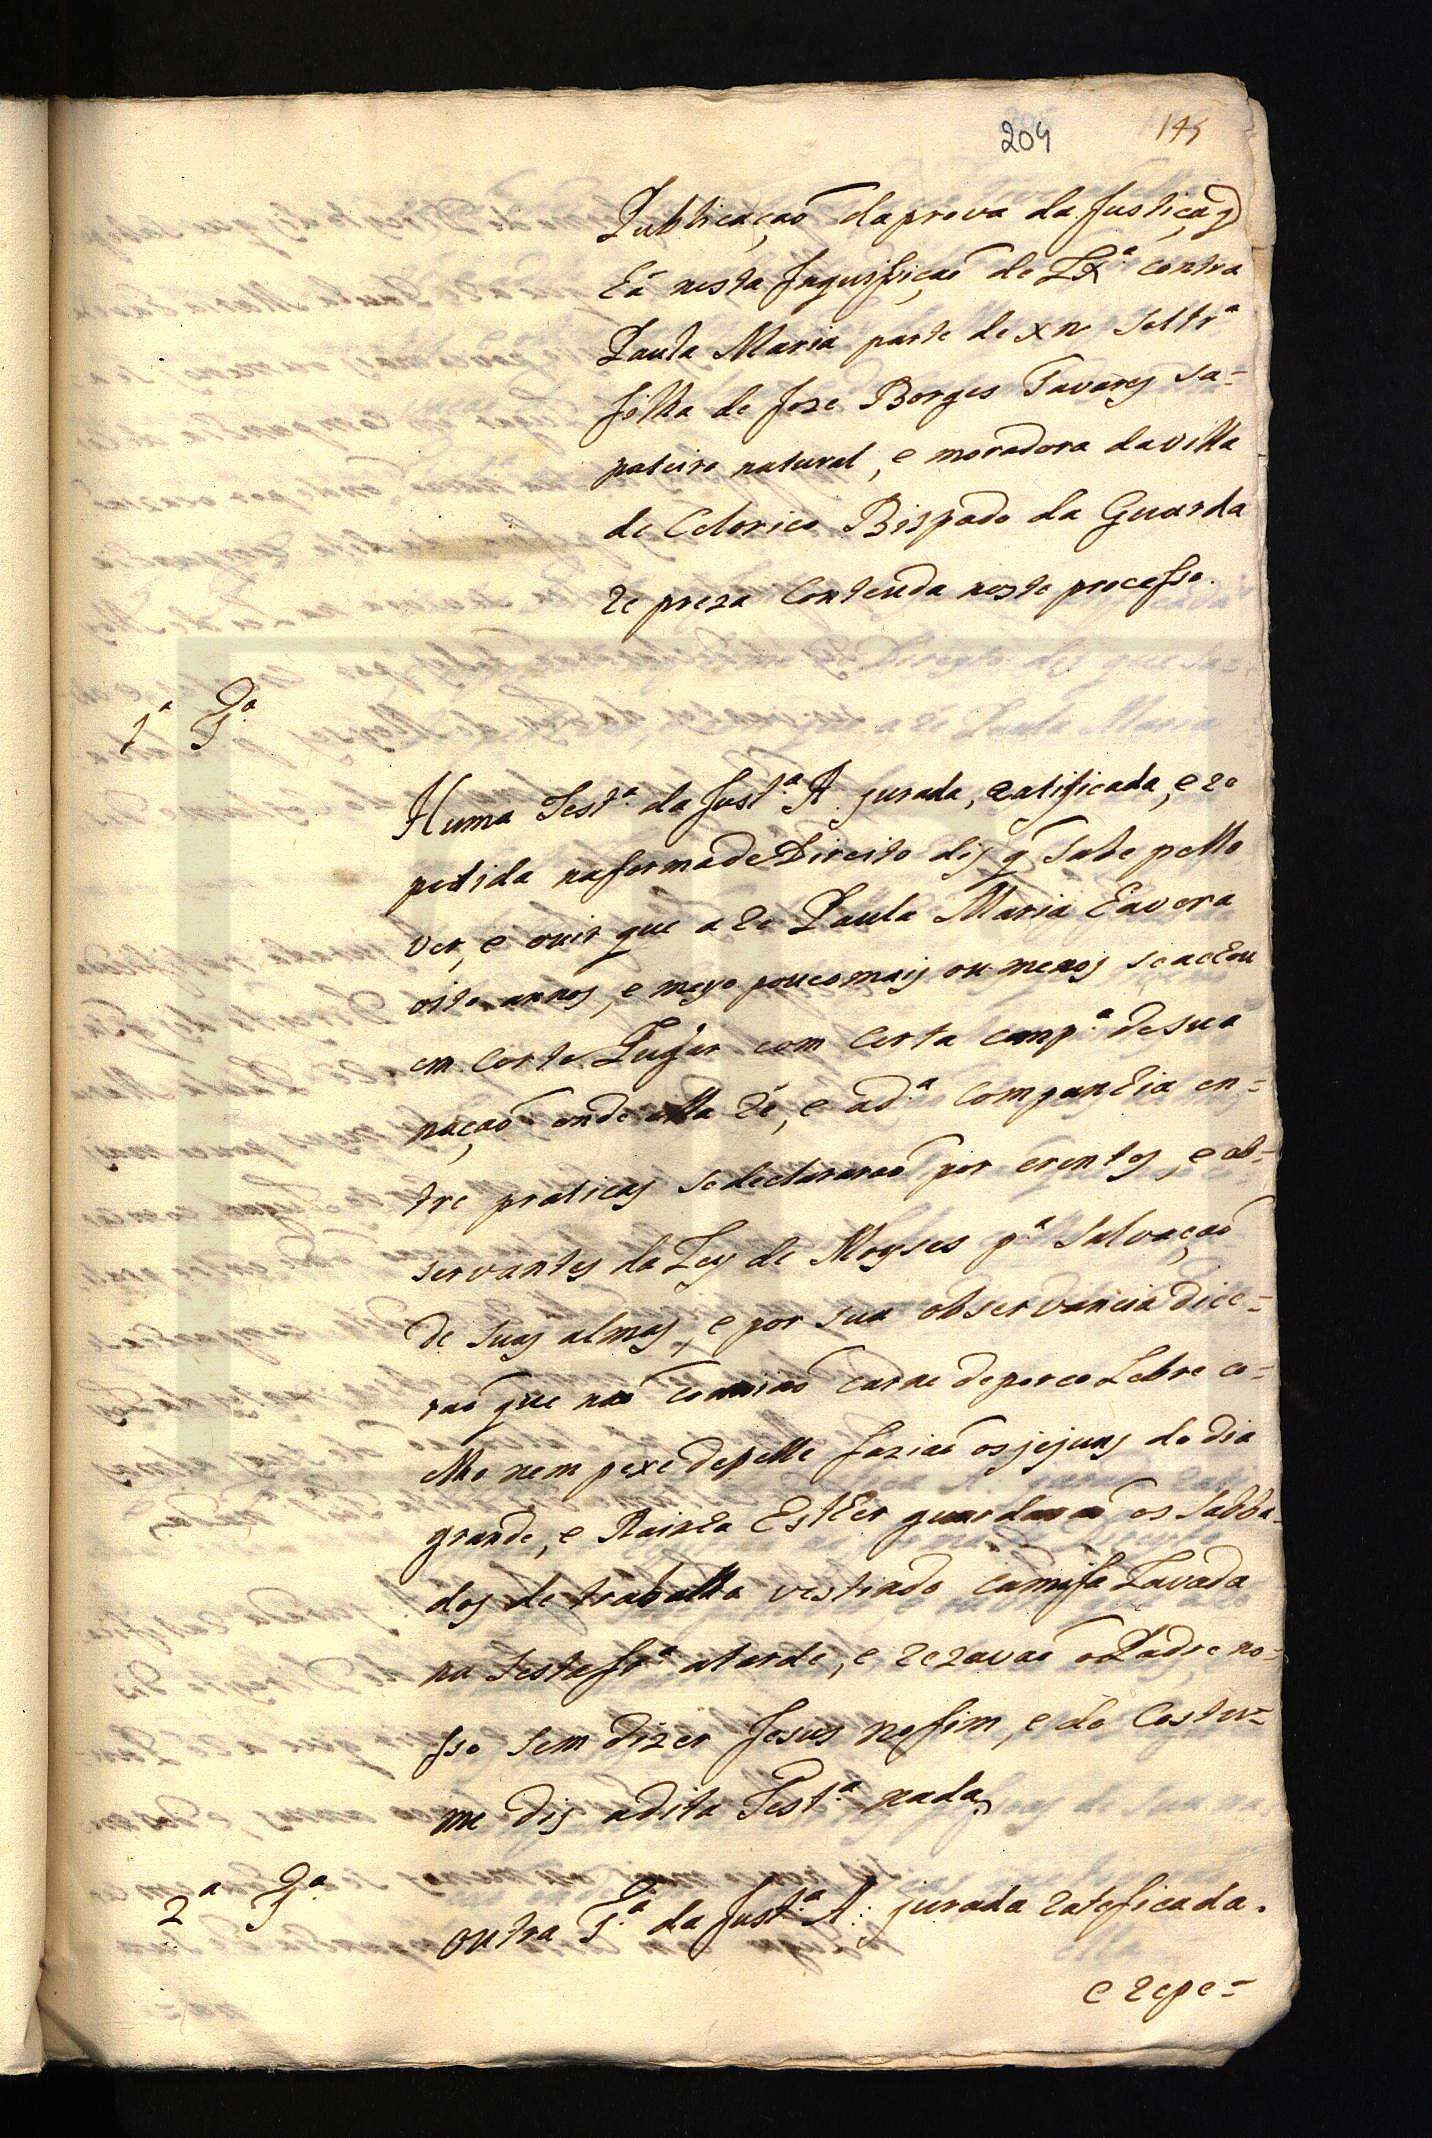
145
Publicaçaõ da prova da Justiça q̄
há nesta Jnquissiçaõ de Lx.a contra
Paula Maria parte de xn soltr.a
filha de Joze Borges Tavares sa
pateira natural, e moradora da villa
de Celorico Bispado da Guarda
Re preza conteuda neste processo.
a Ré Paula Maria
1a. T.a
Huma Test.a da Just.a A. jurada, ratificada, e re
pedida na forma de Direito dis q̄ sabe pello
ver, e ouvir que a Re Paula Maria havera
oito annos, e meyo pouco mais ou menos se achou
em certo Lugar com certa comp.a de sua
naçaõ onde ella Ré, e a d.a Companhia en
tre praticas se declararaõ por crentes, e ob
servantes da Ley de Moyses p.a salvaçaõ
de suas almas, e por sua observancia dice
raõ que naõ comiaõ carne de porco Lebre co
elho nem pexe de pelle faziaõ os jejuns do dia
grande, e Rainha Esther guardavaõ os sabba
dos de trabalho vistindo camisa Lavada
na sesta fr.a a tarde, e rezavaõ o Padre no
sso sem dizer Jesus no fim, e do costu
me dis a dita Test.a nada.
2.a T.a
outra T.a da Just.a A. jurada rateficada.
e repe
